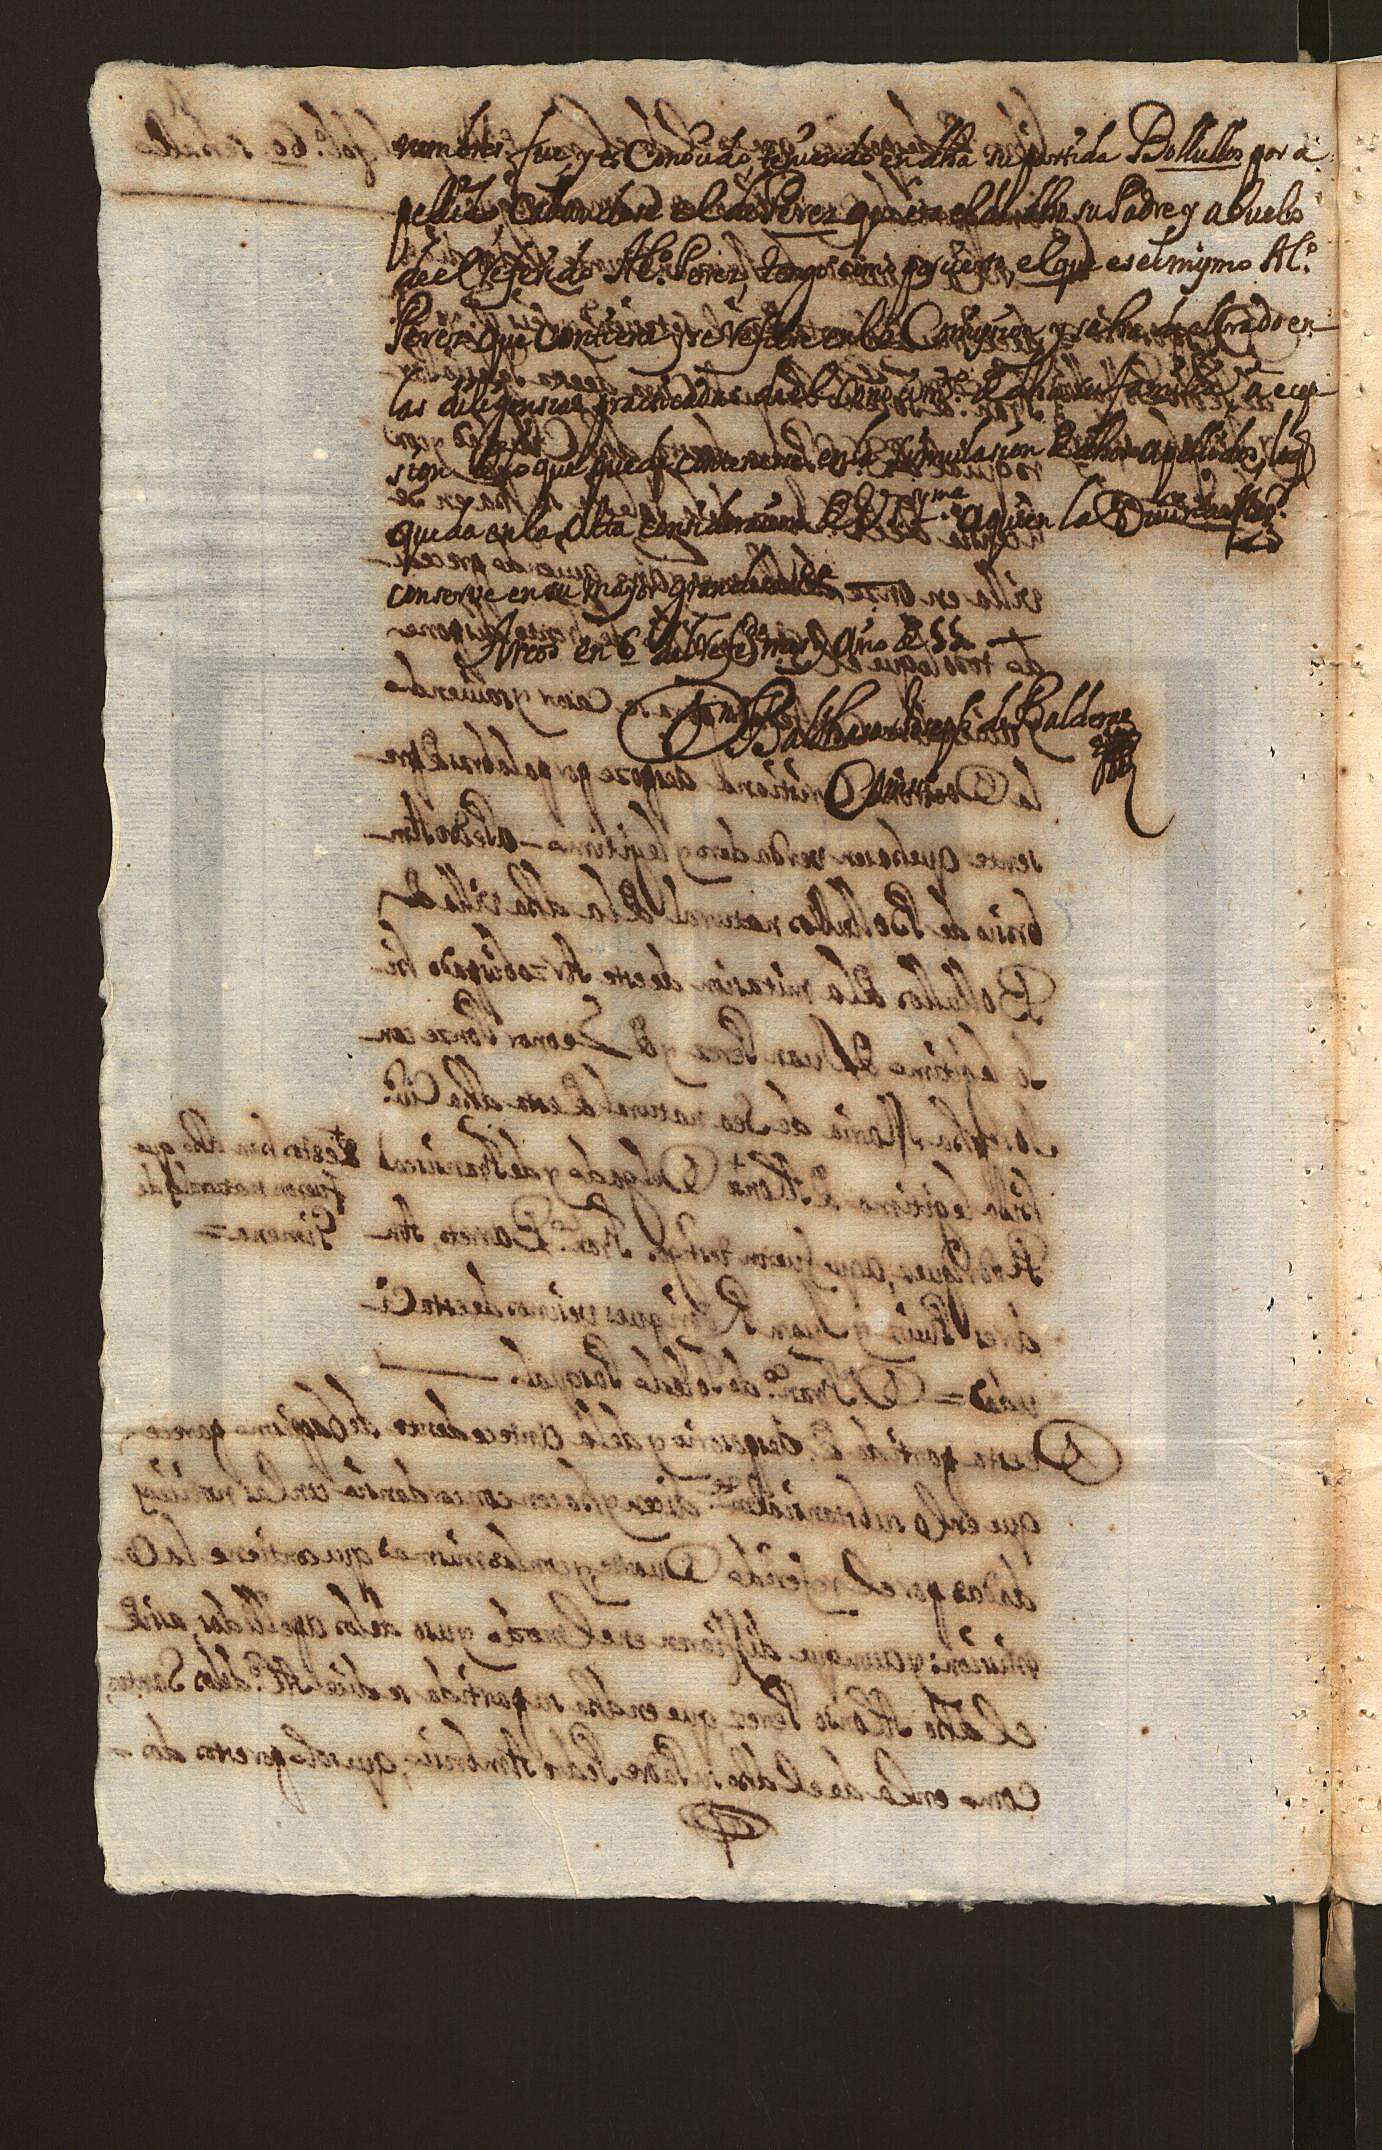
nombres fue, y es Conocido, teniendo en dha su partida Bollullos por a
pellido, Callandose el de Perez que era el de dho su Padre y abuelo
de el Referido Al.o Perez, tengo como por cierto, el que es el mismo Al.o
Perez que contiene y se Refiere en la Comission, y se ha declarado en
las diligensias practicadas de el conocim.to de dha su familia, â ecep
sion de lo que puede contenerse en la simulasion de dho apellido, lo q̄
queda en la alta consideracion de V S Y.ma a quien la
conserve en su mayor grandeza &a
Arcos en 6 del Refedo mes y año de 55
Dn Balthasar Ioseph de Balderas
